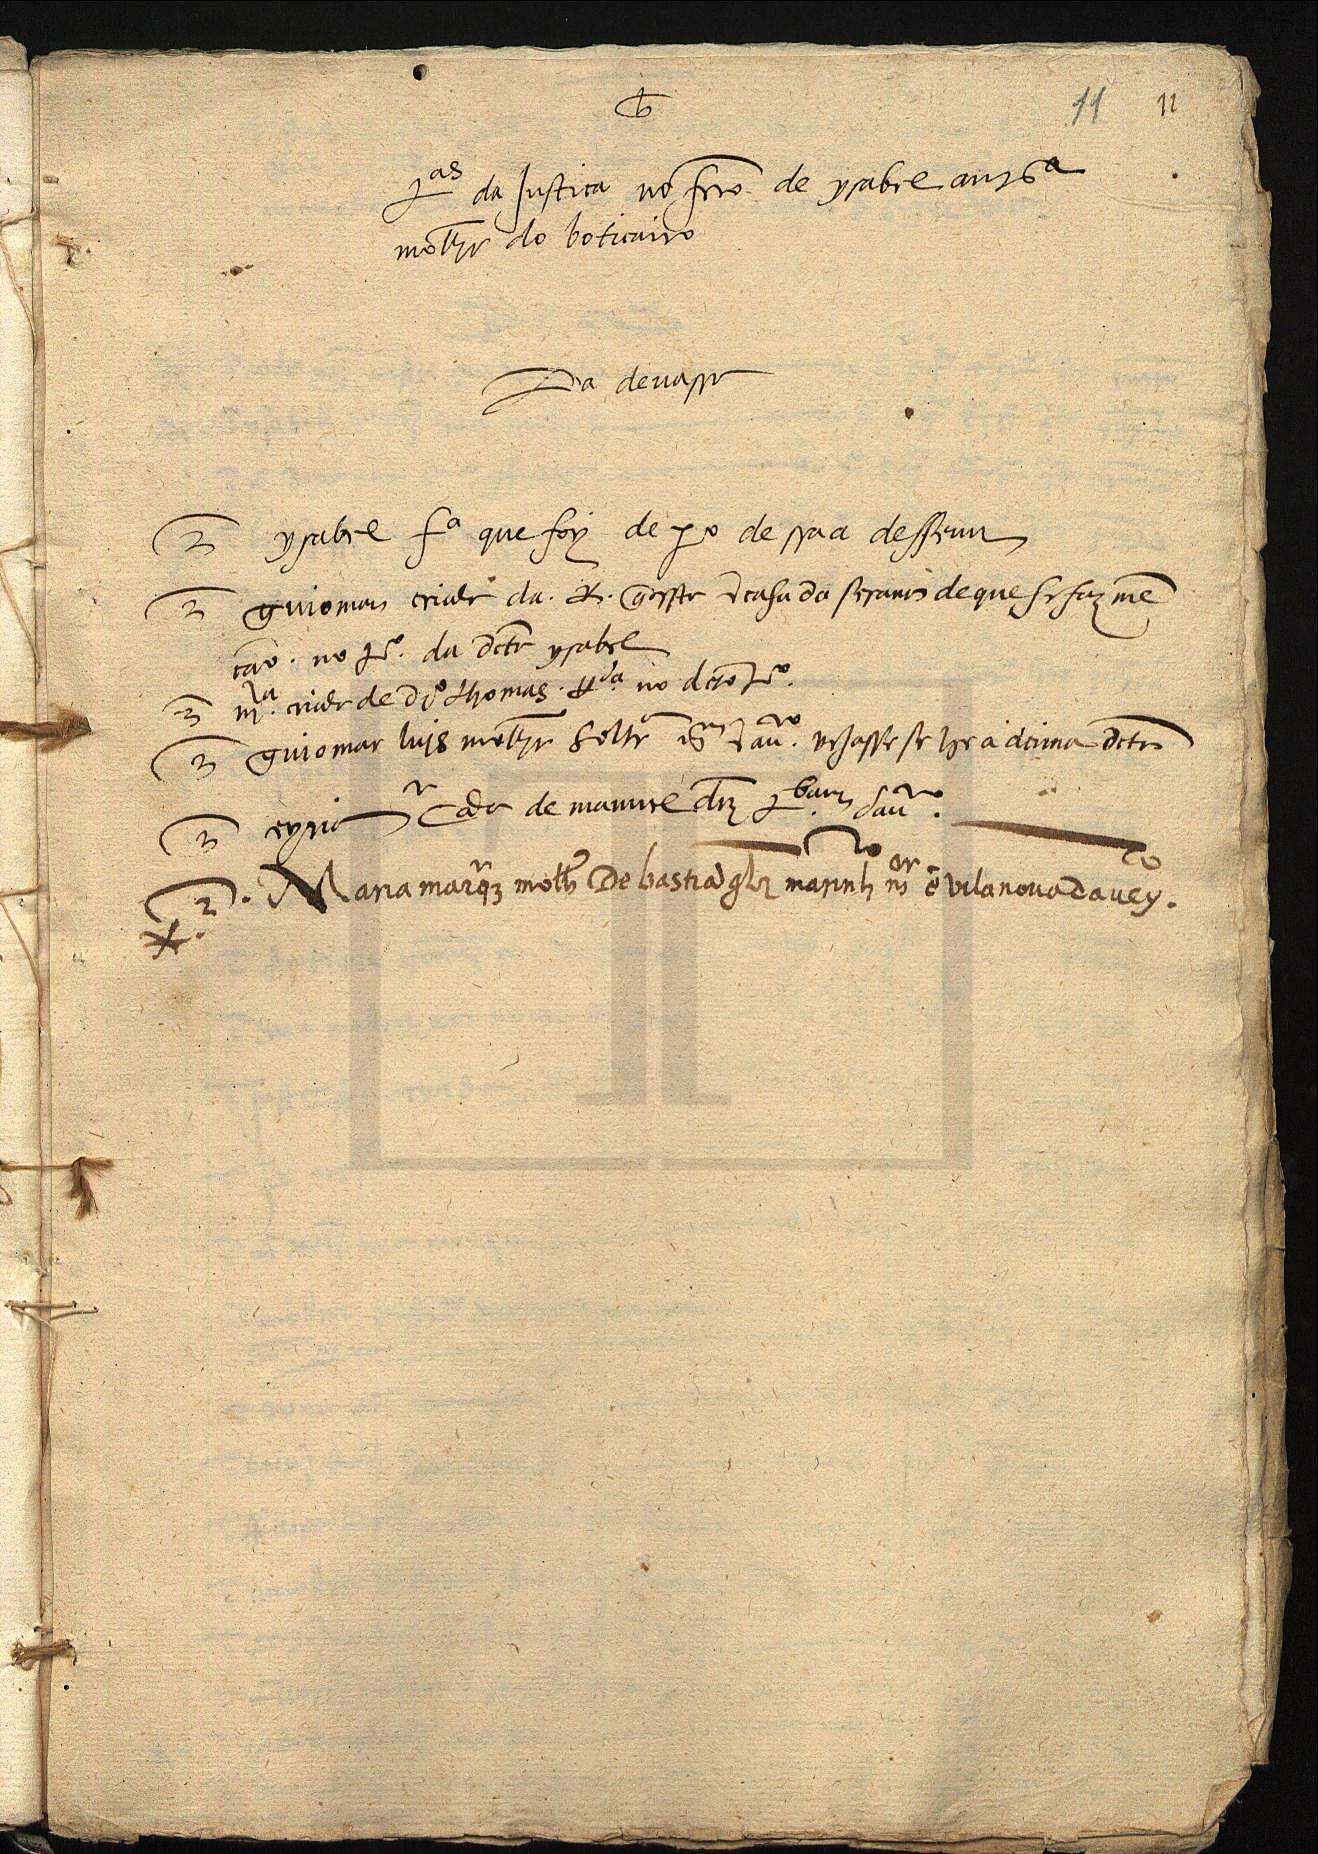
tas da Justiça no fc̄co de ysabel anta
molher do boticairo
Da deuassa
item ysabel fa que foy de ꝑo de ssaa de sseuer
item guiomar criada da .R. q̄ esta ē casa da scraua de que se faz mē
ção. no to. da dc̄ta ysabel
item mra criada de dio thomas .Rda. no dc̄to to.
item guiomar luis molher soltra mra ē auro veJasse se he a acima dc̄ta
item eyria Crada de manuel d̄iz tbam dauro.
item. Maria marq̄z molh̄ de bastiā gl̄z marinhro mor ē vila noua daueyro.
